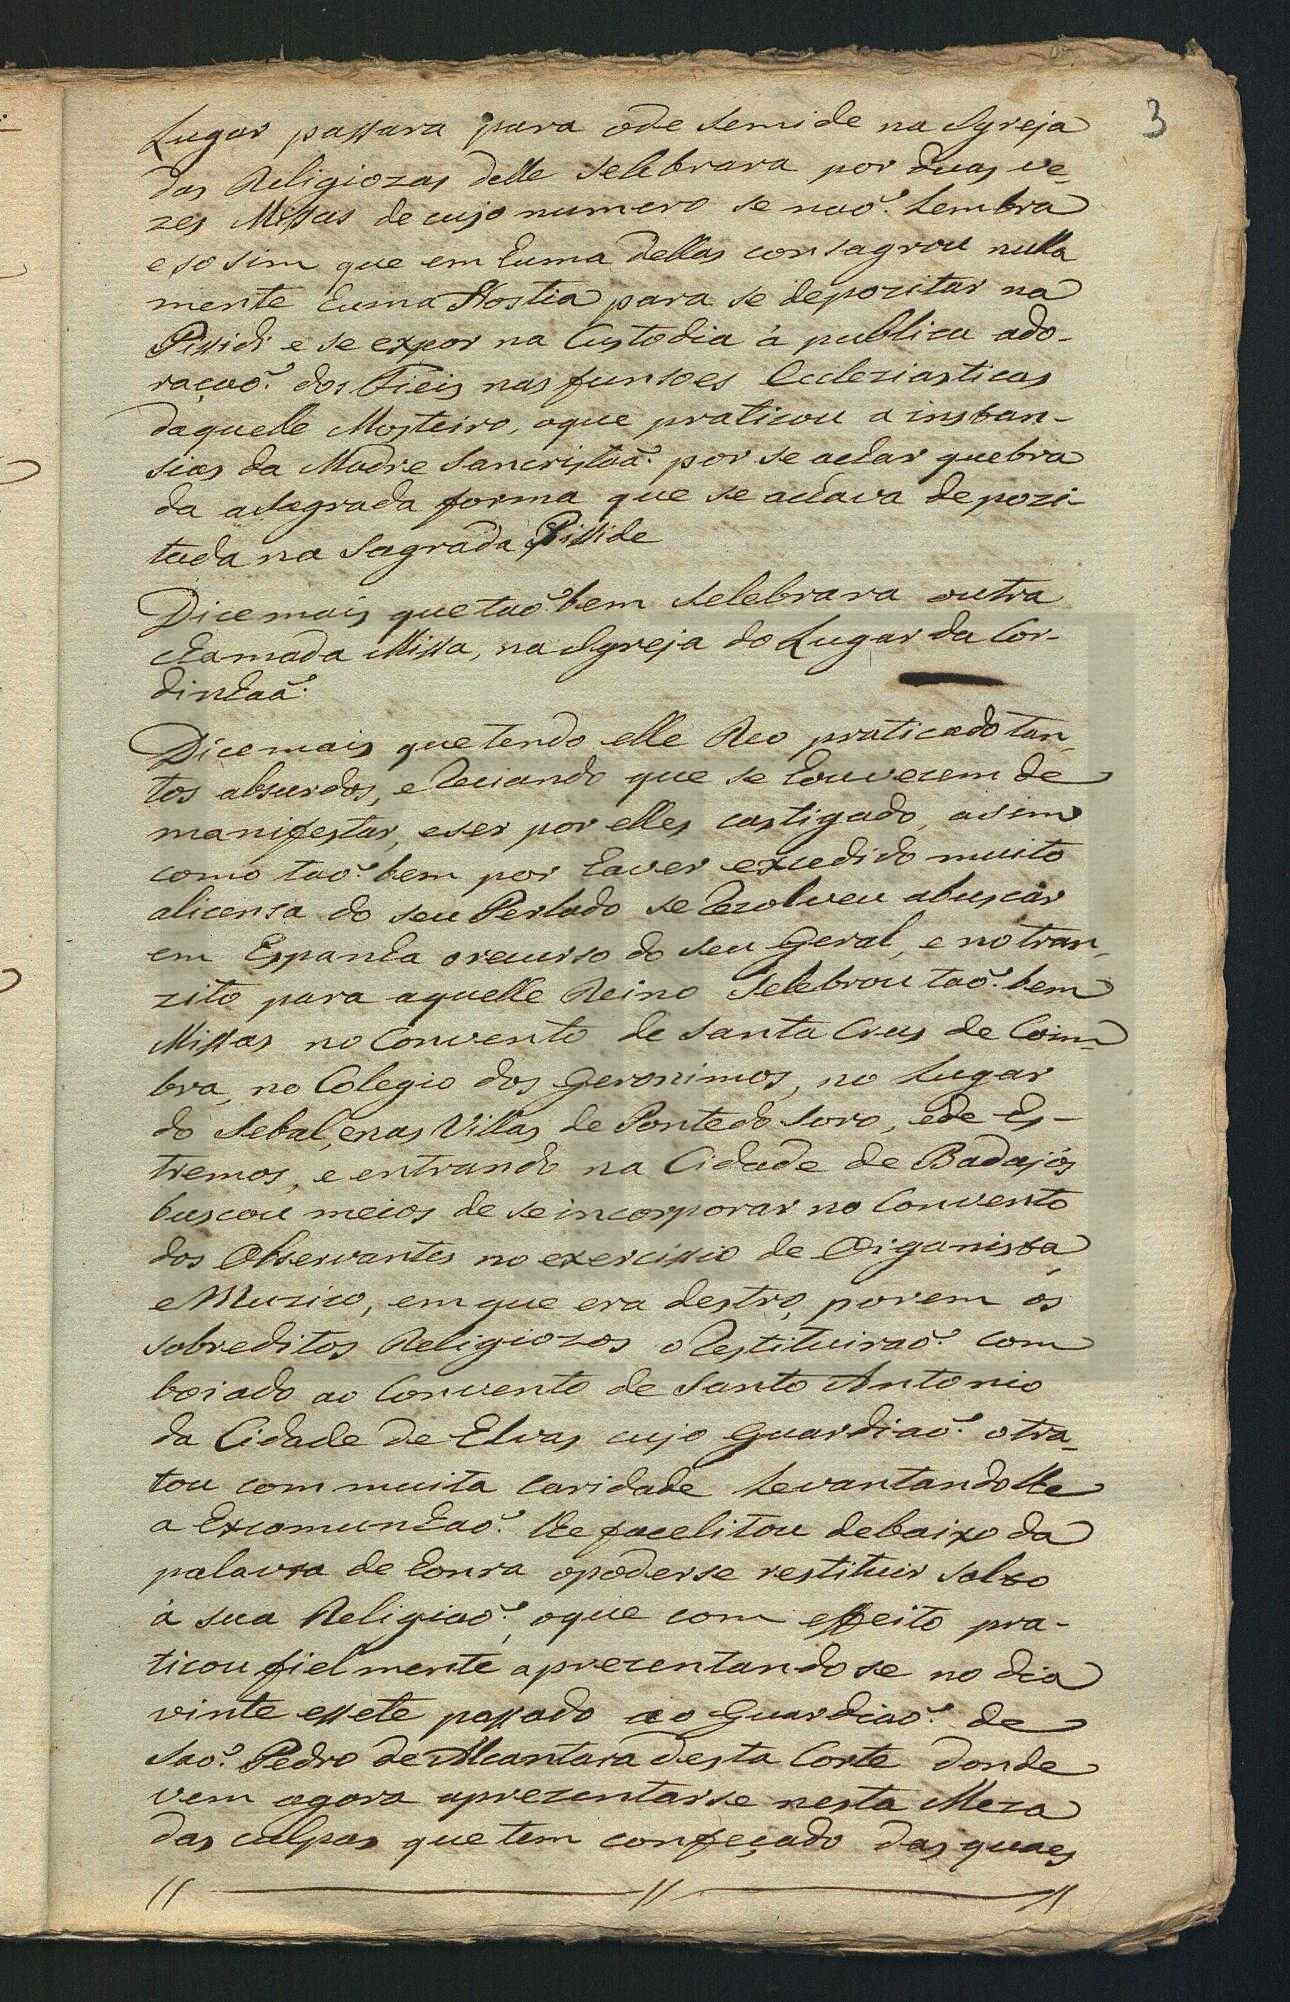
Lugar passara para o de semide na Igreja
das Religiozas delle selebrava por duas ve
zes Missas de cujo numero se naõ lembra
e so sim que em huma dellas consagrou nulla
mente huma Nostia para se depozitar na
Pissidi e se expor na Custodia à publica ado
raçaõ dos Fieis nas funsoes eccleziasticas
daquelle Mosteiro, o que praticou a instan
sias da Madre sancristaã por se achar quebra
da a sagrada forma que se achava depozi
tada na sagrada Pisside
Dice mais que taõbem selebrara outra
chamada Missa, na Igreja do Lugar da Cor
dinhaã
Dice mais que tendo elle Reo praticado tan
tos absurdos, e Reciando que se houvecem de
manifestar, e ser por elles castigado, asim
como taõbem por haver excedido muito
a licensa do seu Perlado se Rezolveu a buscar
em Espanha o recurso do seu Geral, e no tran
zito para aquelle Reino selebrou taõbem
Missas no Convento de santa Crus de Coim
bra no Colegio dos Geronimos, no Lugar
do Sebal, e nas Villas de Ponte do soro, e de Es
tremos, e entrando na Cidade de Badajós
buscou meios de se incorporar no Convento
dos Observantes no exercissio de Organista,
e Muzico, em que era destro, porem os
sobreditos Religiozos o Restituiraõ com
boiado ao Convento de Santo Antonio
da Cidade de Elvas cujo Guardiaõ o tra
tou com muita caridade Levantandolhe
a Excomunhaõ lhe facelitou debaixo da
palavra de honra o poderse restituir solto
á sua Religiaõ o que com effeito pra
ticou fielmente aprezentandose no dia
vinte e ssete passado ao Guardiaõ de
Saõ Pedro de Alcantara desta Corte donde
vem agora aprezentarse nesta Meza
das culpas que tem confeçado das quaes
